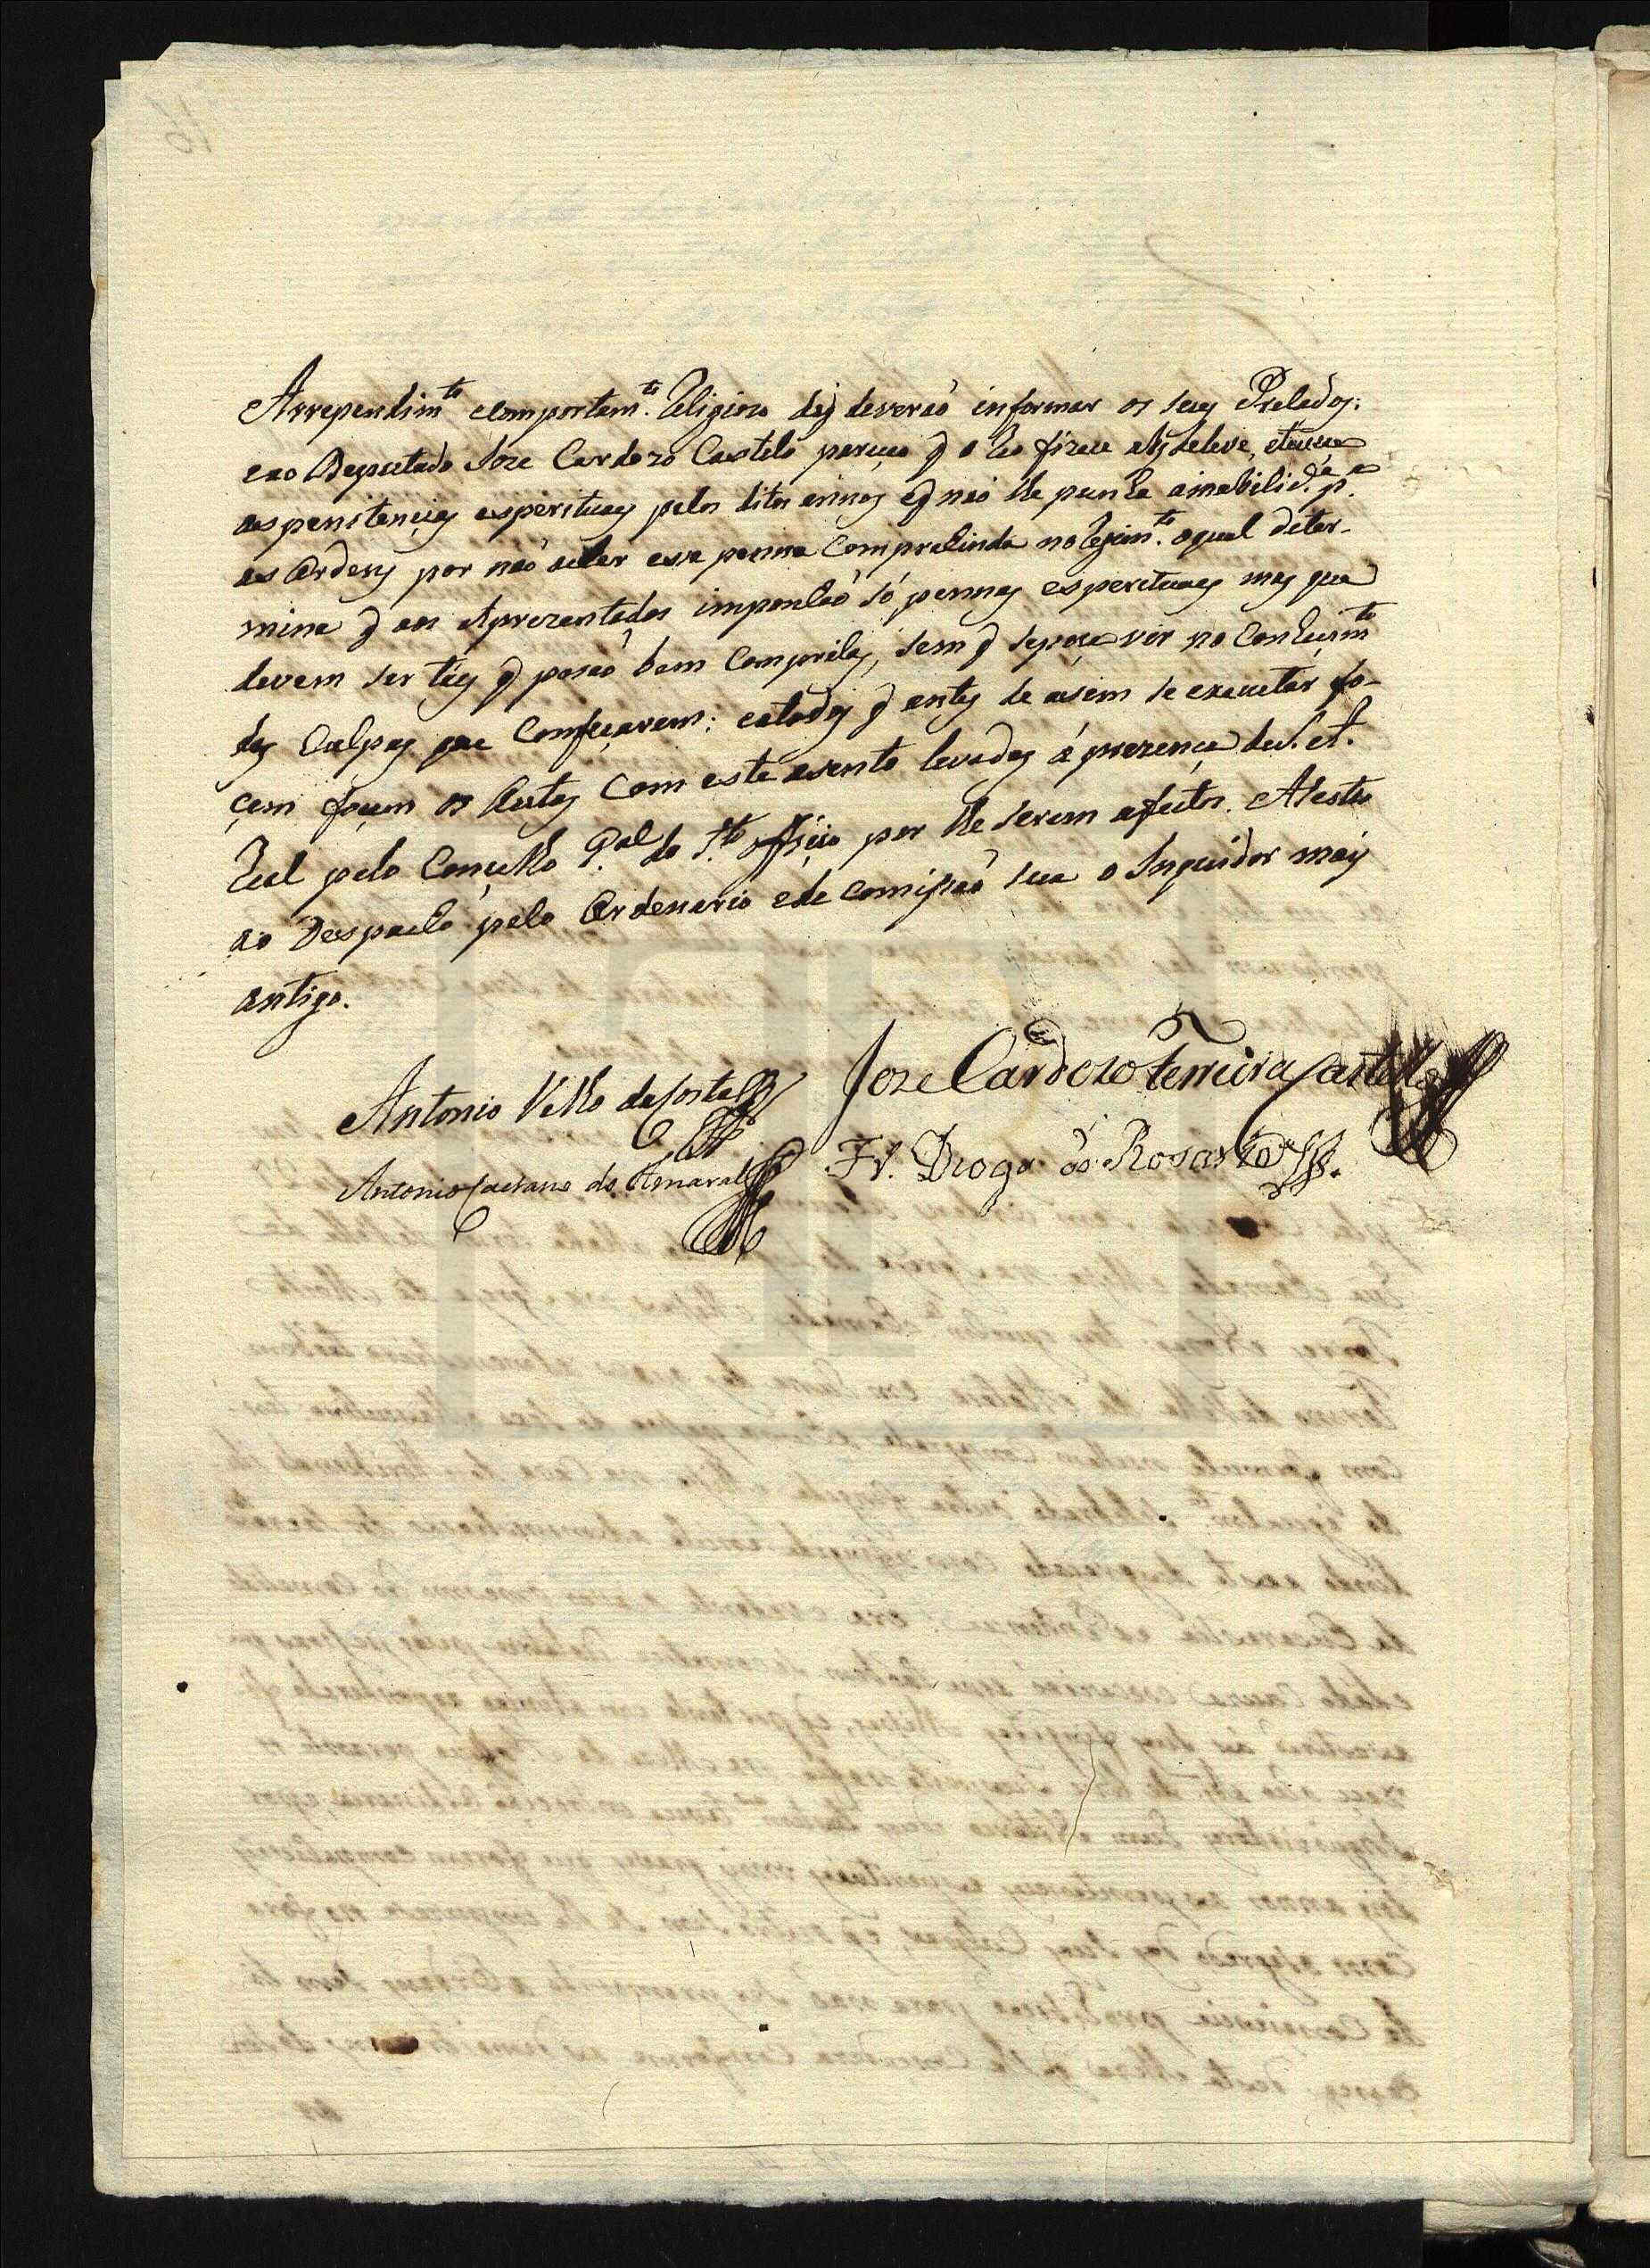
Arrependim.to e comportam.to Religiozo do q̄ deveraõ informar os seus Prelados:
e ao Deputado Ioze Cardozo Castelo pareceo q̄ o Reo fizece abj de leve, e teuece
as penitencias esperituaes pelos ditos annos e q̄ naõ lhe punha a inabilid.e p.a
as Ordens por naõ achar esta penna comprehinda no Regim.to o qual deter
mina q̄ aos Aprezentados imponhaõ só pennas esperituaes mas que
devem ser táes q̄ posão bem comprilas, sem q̄ se poça vir no conhecim.to
das Culpas que confeçarem: e a todos q̄ antes de assim se executar fo
çem foçem os Autos com este asento levadas á prezença de S. A.
Real pelo Conçelho G.al do S.to officio por lhe serem afectos. Atestao
ao Despacho pelo Ordenario e de comissaõ sua o Inquidor mais
antigo.
Antonio Velho da Costa Joze Cardozo Ferreira Castello
Antonio Caetano do Amaral Fr. Diogo do Rozario
